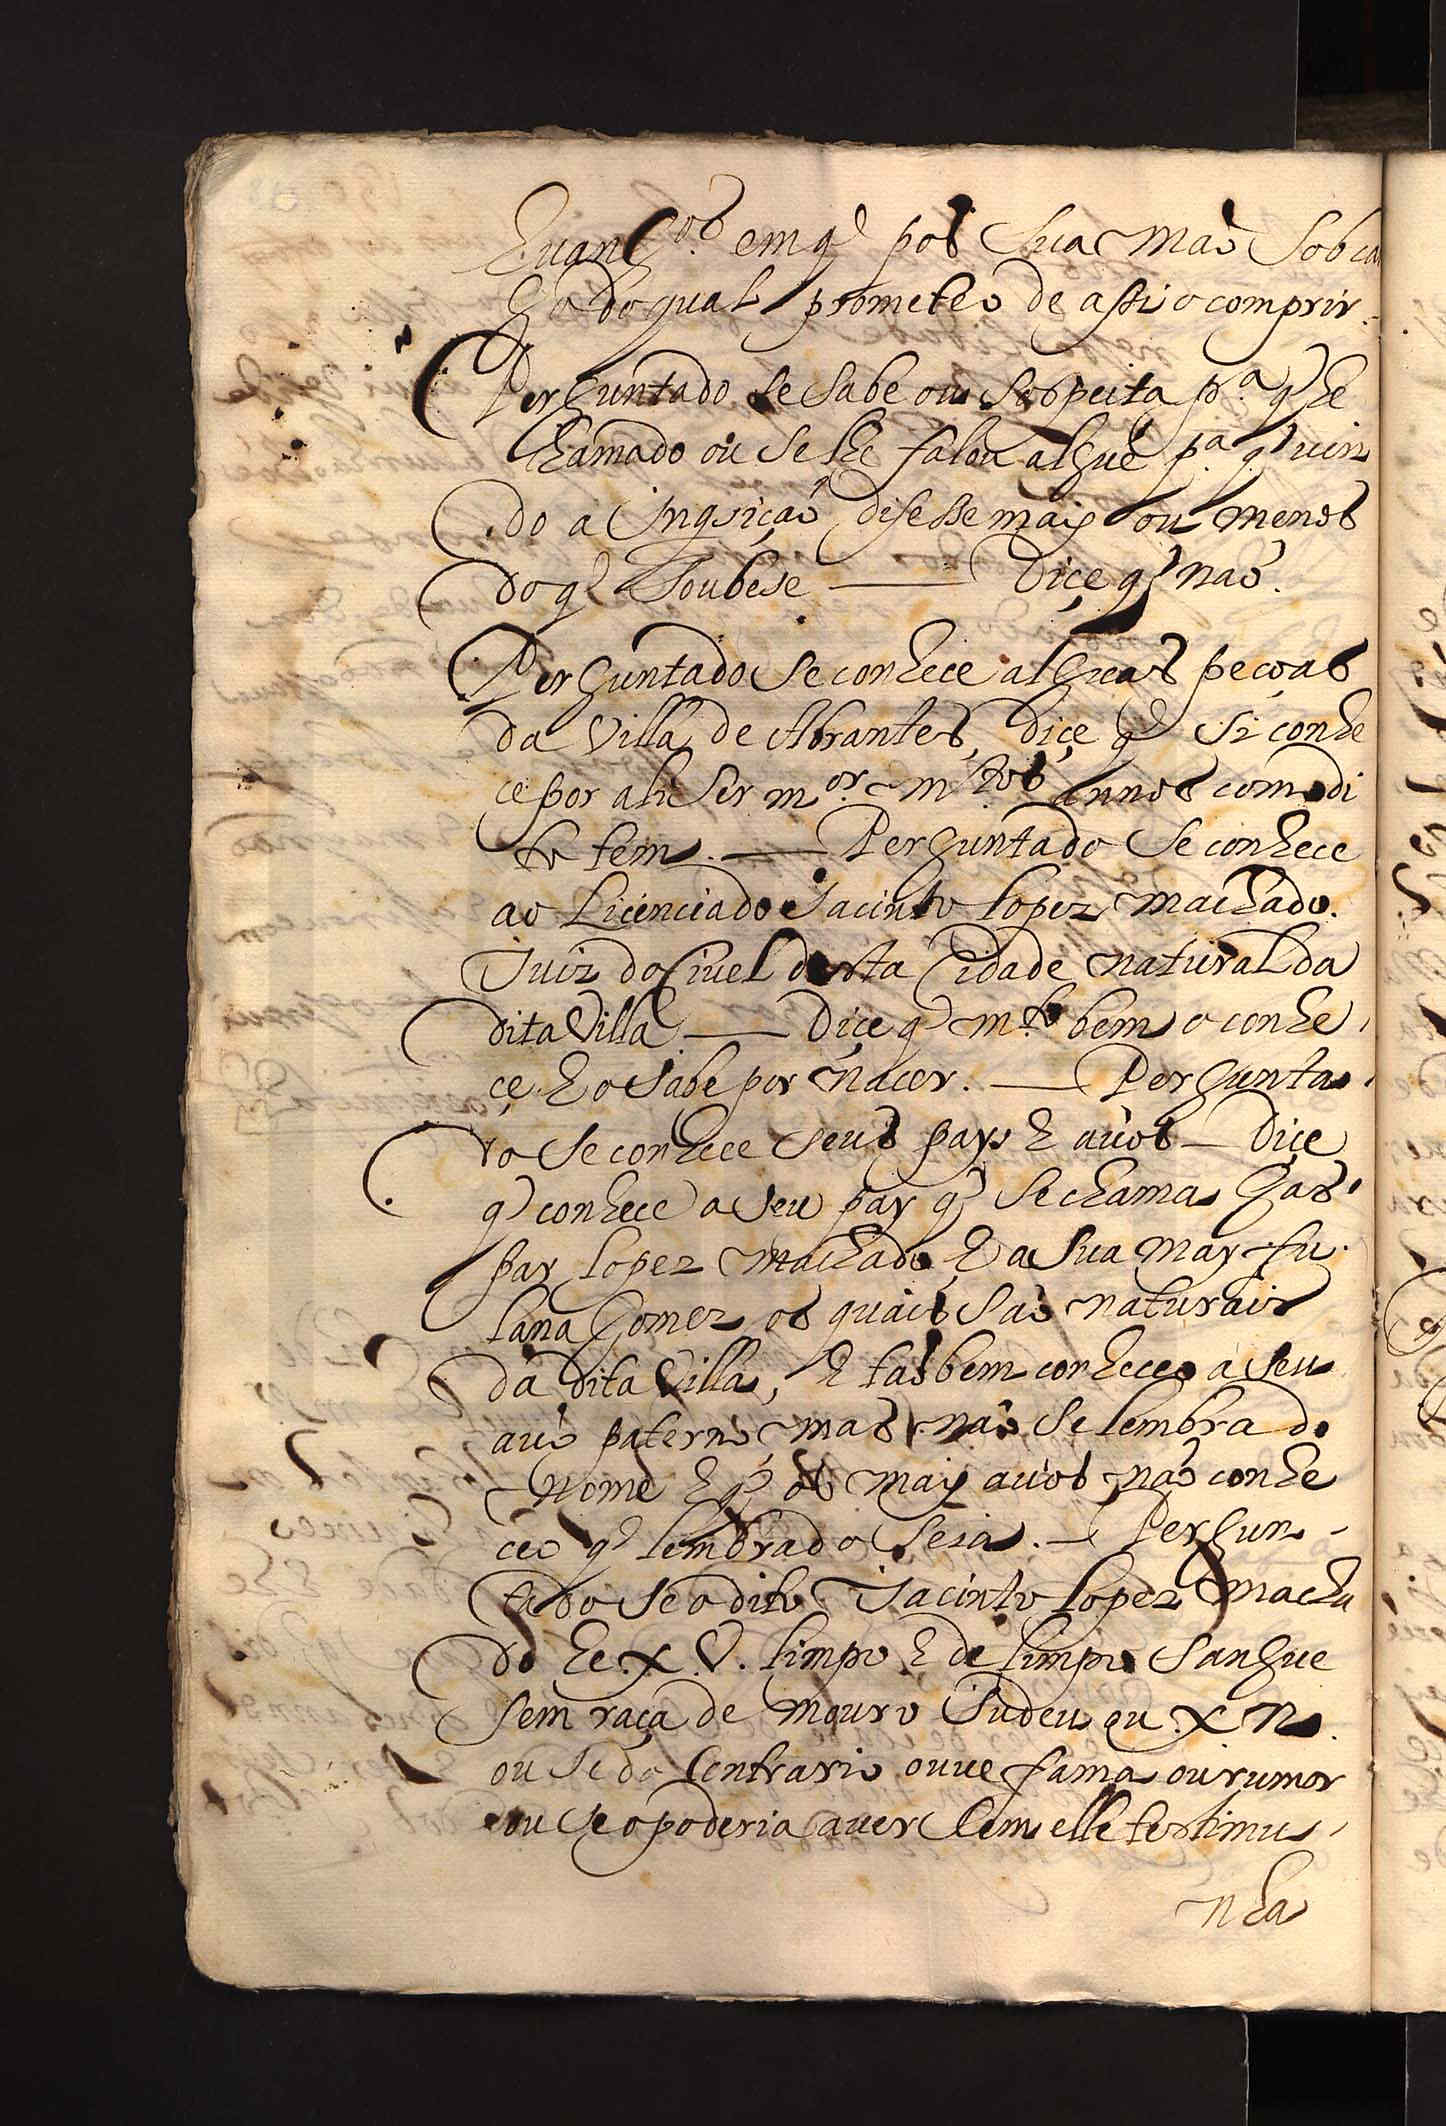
Euang.os em q̄ pos sua maõ sob ca
go do quaL prometeo de assi o comprir
Perguntado se sabe ou sospeita p.a q̄ he
chamado ou se lhe falou alguē p.a q̄ uin
do a Inꝗsiçaõ disesse mais ou menos
do q̄ soubese – Diçe q̄ naõ
Perguntado se conhece alguas peçoas
da Villa de Abrantes, dice q̄ si conhe
ce por ali ser m.or m.tos annos como di
to tem. – Perguntado se conhece
ao Licenciado Iacinto Lopez machado
Iuiz do CiueL desta Cidade naturaL da
dita Villa – Diçe q̄ m.to bem o conhe
ce E o sabe por nacer. – Pergunta
do se conhece seus pays E auós – Dice
q̄ conhece a seu pay q̄ se chama Gas
par Lopez machado E a Sua may fu
lana Gomez os quais saõ naturais
da dita Villa, E taõbem conheceo a seu
auó paterno mas naõ se Lembra do
nome E q̄ os mais auós naõ conhe
ceo q̄ Lembrado seia. Pergun
tado se o dito Iacinto Lopez macha
do he X.V. Limpo E de Limpo sangue
sem raça de mouro Iudeu ou X.N.
ou se do Contrario ouue fama ou rumor
ou se o poderia auer Com elle testimu
nha
